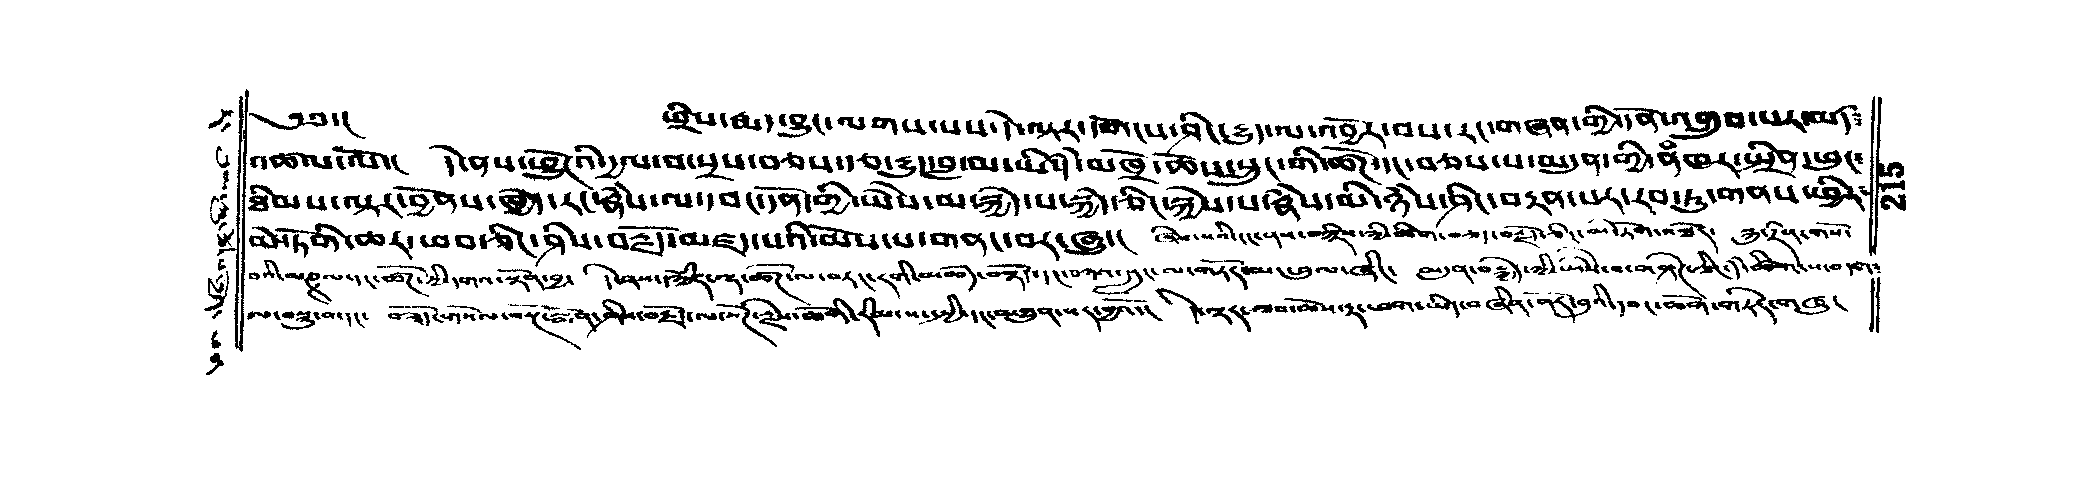ཕྲིན་ལས་རྨད་བྱང་ལགས་པས་དེ་ལྟར་དགོངས་ཤིང་རྒྱུད་ལ་འབྱོར་བས་རང་གཞན་གྱི་དོན་འགྲུབ་པར་མཛད་
འཚལ་ལོ། དེ་ནས་ཕྱོགས་བཅུའི་རྒྱལ་བ་སྲས་བཅས་རྩ་རྒྱུད་བླ་མ་ཡི་དམ་མཁའ་འགྲོ་ཆོས་སྲུང་གི་ཚོགས་དང་བཅས་པ་མདུན་གྱི་ནམ་མཁར་སྤྲིན་ཕུང་
ཐིམས་ལྟར་བྱོན་ནས་ཁྱེད་རང་རྣམས་ལ་དབང་དོན་གྱི་ཡེ་ཤེས་མ་སྐྱེད་པའི་སྐྱེད་ཅིང་སྐྱེས་པ་རྣམས་མི་ཉམས་ཤིང་བརྟན་པར་རབ་ཏུ་གནས་ཕྱིར་
མེ་ཏོག་གི་ཆར་ཕབ་ཅིང་ཤིས་བརྗོད་མཛད་པའི་མོས་པ་གནང་བར་ཞུ། ཞེས་པའི་ངང་ནས་བཀྲ་ཤིས་ཀྱི་ཚིག་བཅད་བརྗོད་ཅིང་མེ་ཏོག་འཐོར། སྐུ་དྲིན་གསོ་
བའི་མཎྜལ་དང་ཚོགས་ཀྱི་དགའ་སྟོན་བྱ། དེ་ནས་དཀྱིལ་འཁོར་ལྷ་ཚོགས་ལ་བཏང་རག་གི་མཆོད་བསྟོད་དང་བཀའ་དྲུང་ལ་གཏོར་མ་ཕུལ་ཞིང་། མདུན་བསྐྱེད་ཀྱི་ཡེ་ཤེས་བ་གཤེགས་ཅིང་དམ་ཚིག་ས་བདག་
ལ་བསྡུ་བ་དང་། བཟོད་གསོལ་བསྔོ་སྨོན་ཤེས་བརྗོད་ལ་སོགས་རྗེས་ཆོག་གི་རིམ་པ་སྤྱི་དང་མཐུན་པར་བྱའོ། དེ་ལྟར་ཟབ་ཆོས་རྟ་ཕག་ཡིད་བཞིན་ནོར་བུའི་དབང་ཆོག་གཏེར་གཞུང་